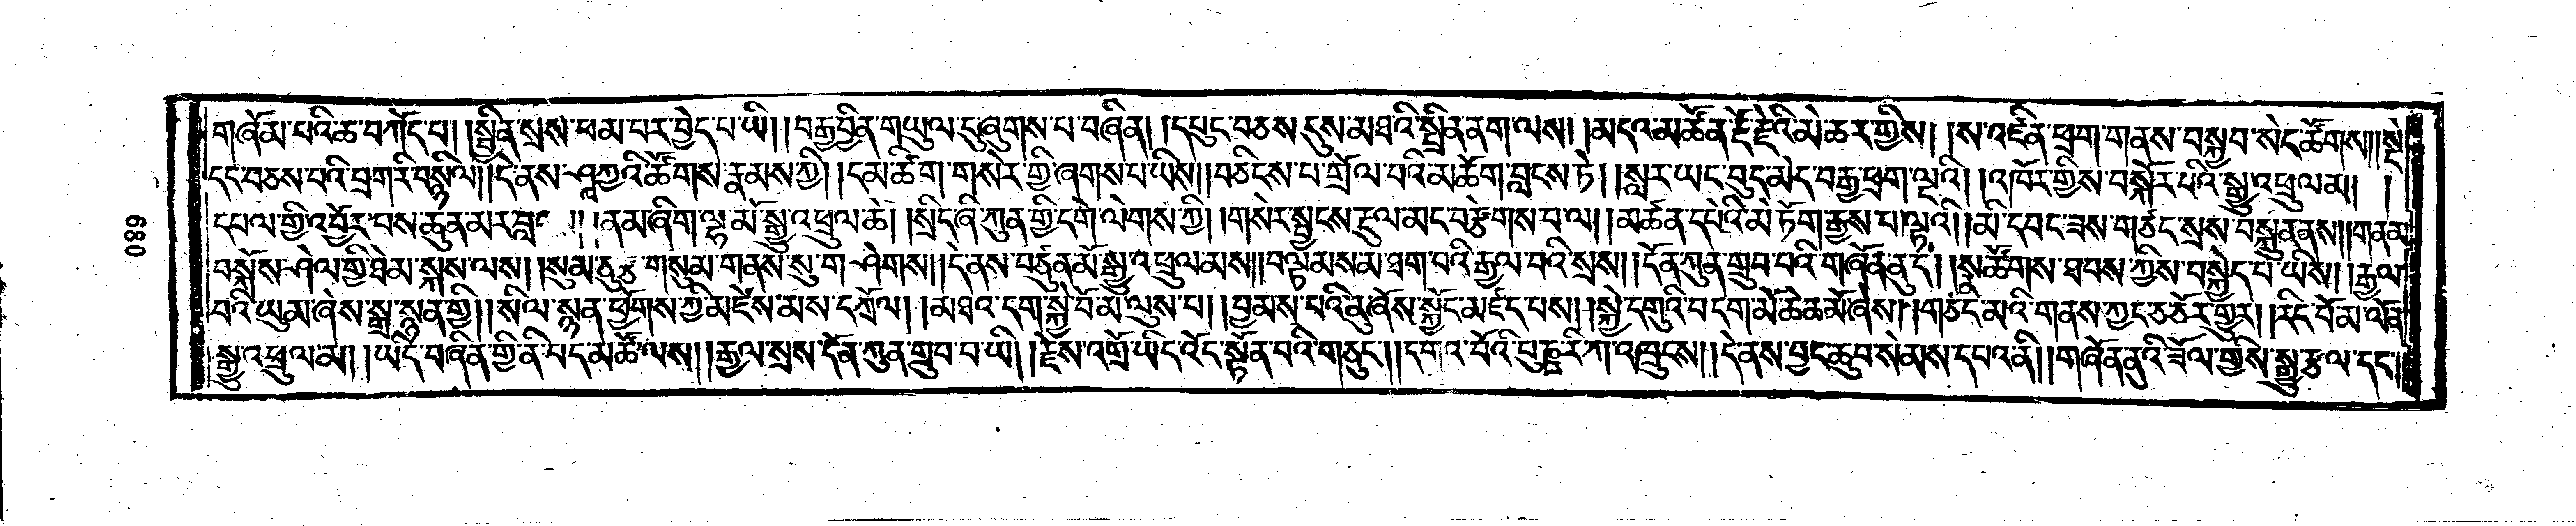གཞོམ་པའི་ཆ་བཀོད་པ། །སྦྱིན་སྲས་ཕམ་པར་བྱེད་པ་ཡི། །བརྒྱ་བྱིན་གཡུལ་དུ་ཞུགས་པ་བཞིན། །དཔུང་བཅས་དུས་མཐའི་སྤྲིན་ནག་ལས། །མདའ་མཚོན་རྡོ་རྗེའི་མེ་ཆར་གྱིས། །ས་འཛིན་ཕྲག་གནས་བསྐྱབ་སེང་ཚོགས། །སྡེ་
དང་བཅས་པའི་བྲག་རི་བསྙིལ། །དེ་ནས་ཤཱཀྱའི་ཚོགས་རྣམས་ཀྱི། །དམ་ཚིག་གསེར་གྱི་ཞགས་པ་ཡིས། །བཅིངས་པ་གྲོལ་བའི་མཆོག་བླངས་ཏེ། །སླར་ཡང་བུད་མེད་བརྒྱ་ཕྲག་ལྔའི། །འཁོར་གྱིས་བསྐོར་བའི་སྒྱུ་འཕྲུལ་མ།། །
དཔལ་གྱི་འབྱོར་པས་ཆུན་མར་བླངས། །ནམ་ཞིག་ལྷ་མོ་སྒྱུ་འཕྲུལ་ཆེ། །སྲིད་ཞི་ཀུན་གྱི་དགེ་ལེགས་ཀྱི། །གསེར་སྦྱངས་རྡུལ་མང་བརྩེགས་པ་ཡི། །མཚན་དཔེའི་མེ་ཏོག་རྒྱས་པ་ལྟའི། །མི་དབང་ཟས་གཙང་སྲས་བསྐྲུན་ནས། །གནམ་
བསྐོས་ཤེལ་གྱི་ཐེམ་སྐས་ལས། །སུམ་ཅུ་རྩ་གསུམ་གནས་སུ་གཤེགས། །དེ་ནས་བཙུན་མོ་སྒྱུ་འཕྲུལ་མས། །བལྟམས་མ་ཐག་པའི་རྒྱལ་བའི་སྲས། །དོན་ཀུན་གྲུབ་པའི་གཞོན་ནུ་དེ། །སྣ་ཚོགས་ཐབས་ཀྱིས་བསྐྱེད་པ་ཡིས། །རྒྱལ་
བའི་ཡུམ་ཞེས་སྒྲ་སྙན་གྱི། །སིལ་སྙན་ཕྱོགས་ཀྱི་མཛེས་མས་དཀྲོལ། །མཐའ་དག་སྐྱེ་བོ་མ་ལུས་པ། །བྱམས་པའི་ནུ་ཞོས་སྐྱོང་མཛད་པས། །སྐྱེ་དགུའི་བདག་མོ་ཆེན་མོ་ཞེས། །གཙང་མའི་གནས་ཀྱང་ཅ་ཅོར་གྱུར། །རིང་པོ་མ་ལོན་
སྒྱུ་འཕྲུལ་མ། །ཡིད་བཞིན་གྱི་ནི་པད་མཚོ་ལས། །རྒྱལ་སྲས་དོན་ཀུན་གྲུབ་པ་ཡི། །རྗེས་འགྲོ་ཡིད་འོང་སྟོན་པའི་གཅུང་། །དགའ་བོའི་པུཎྜ་རི་ཀ་འཁྲུངས། །དེ་ནས་བྱང་ཆུབ་སེམས་དཔའ་ནི། །གཞོན་ནུའི་ཟོལ་གྱིས་སྒྱུ་རྩལ་དང་། །